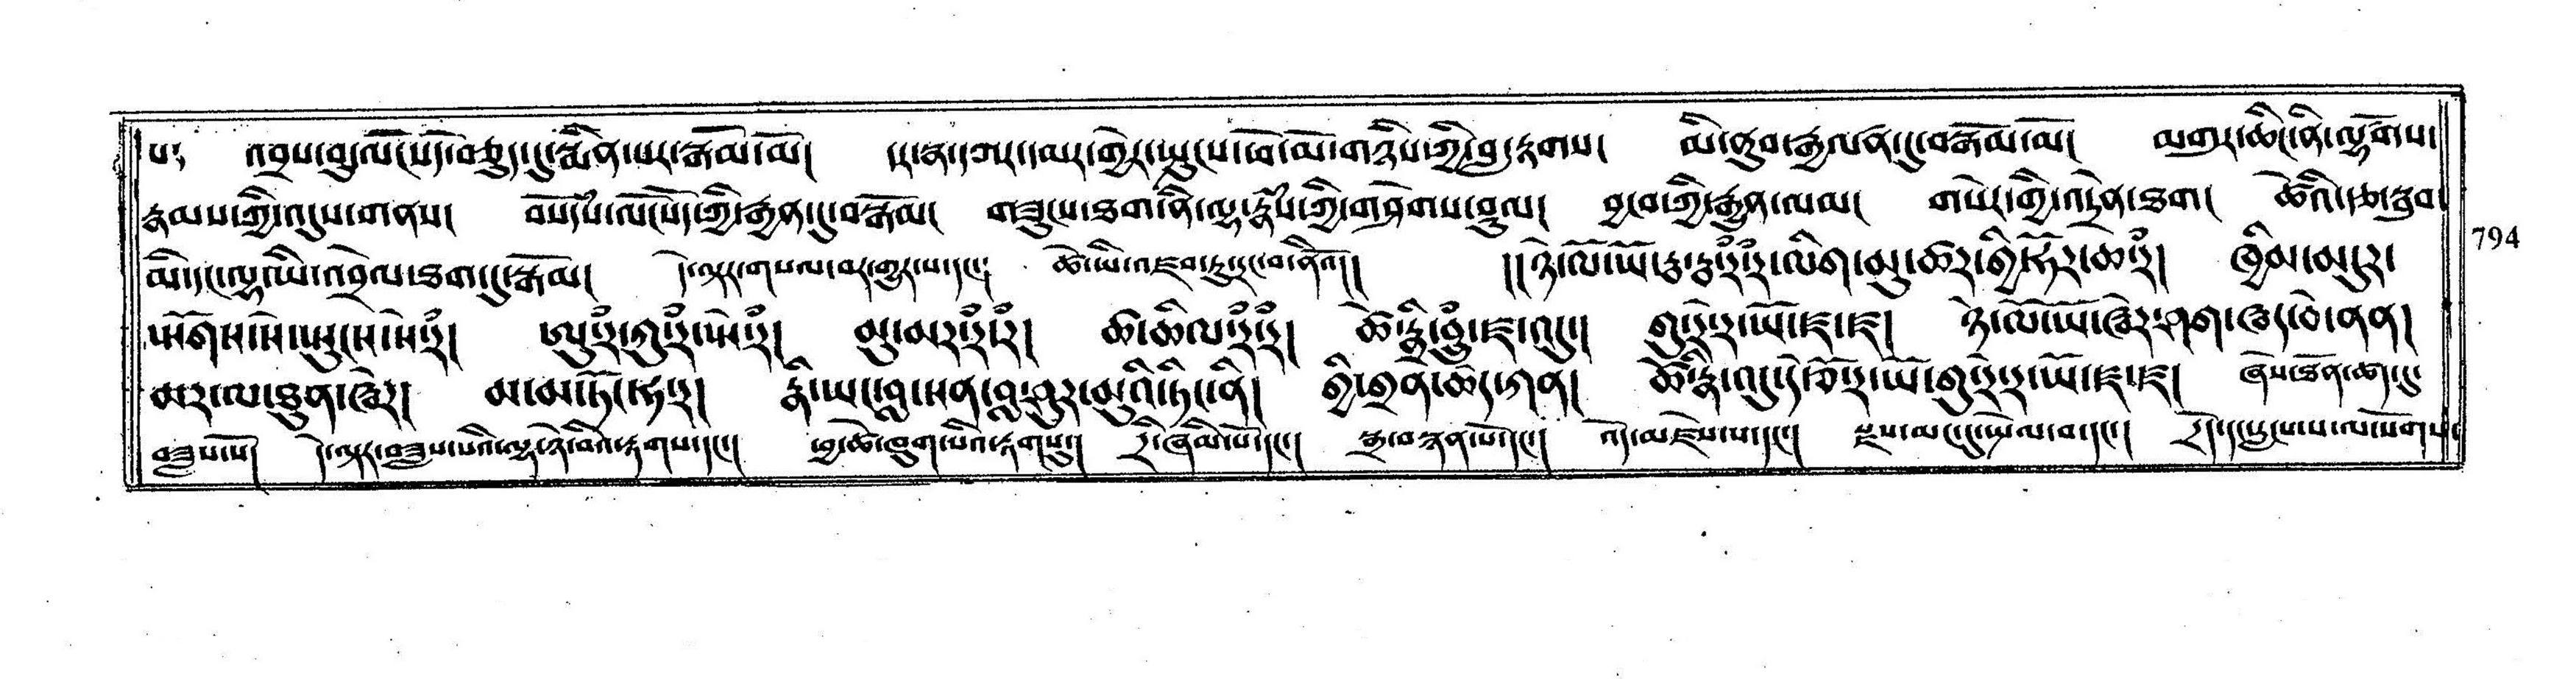འབྲས་བུ་ལོངས་སྤྱོད་བཅུད་དུ་སྨིན་པར་སྒོམ་མོ། དར་སྣ་དཀར་དམར་གྱེར་སྤུངས་ཕོ་མོ་གཉིས་ཀྱི་བླ་རྟགས། མི་ནུབ་རྒྱལ་མཚན་དུ་བསྒོམ་མོ། མགུར་ཆིང་ནི་ལྷ་ཚོགས་
རྣམས་ཀྱི་འདུས་གནས། བསོད་ནམས་ལོངས་སྤྱོད་ཀྱི་རྒྱན་དུ་བསྒོམ། གཟུངས་ཐག་ནི་ལྷ་རྣམས་ཀྱི་གཤེགས་ཤུལ། བྱང་ཆུབ་ཀྱི་རྒྱུན་ལམ། གསེར་གྱི་འདྲེན་ཐག ཚེའི་རྩ་སྦུབ་
མི་དང་ལྷ་ཡི་འབྲེལ་ཐག་དུ་སྒོམ། དེ་ལྟར་གསལ་བར་གྱུར་པ་དང་། ཚེ་ཡི་འཛབ་ཏུ་དྲང་བ་ནིའོ།། །།ཉེ་ལོ་ཡོ་རྦ་རྦ་རཾ་རཾ་ལིག་མུ་ཚར་གྱི་ཧོར་ཆ་རཾ། ཁྱིམ་མདུར་
སྤོགས་སེ་སྤུངས་སེ་རཾ། ཨུ་རཾ་ཀུ་རཾ་སྤེ་རཾ། མུ་མར་རཾ་རཾ། ཚ་ཆིལ་རཾ་རཾ། ཚེ་རྣྲི་བྲུཾ་ཛ་འདུ། གུ་རེ་ར་ཡོ་ཛ་ཛ། ཉེ་ལོ་ཡོ་ཝེར་ཤག་ཝད་བེ་ནན། 
མར་ལ་ཐུན་ཝེར། མ་མ་ཏོང་ཧ་ར། རྣི་ཡང་བླ་སན་བླ་ཤུར་མུའི་ཏིང་ནི། གྱི་གྲན་ཚད་ཀན། ཚེ་རྣི་འདུ་དེ་ཅོ་ར་ཡོ་གུ་རེ་ར་ཡོ་ཛ་ཛ། ཞེས་ཐོན་ཚད་དུ་
བཟླས་སོ། དེ་ལྟར་བཟླས་པའི་ལྷ་ཉེ་བའི་རྟགས་དང་། ཕྱ་ཚེ་ཁུག་པའི་རྟགས་སུ། དྲི་ཞིམ་པོ་དང་། སྒྲ་བསྙན་པོ་དང་། འོད་མཛེས་པ་དང་། རྫས་མང་དུ་སྤེལ་བ་དང་། དྲོད་དང་རླངས་པ་ལ་སོགས་